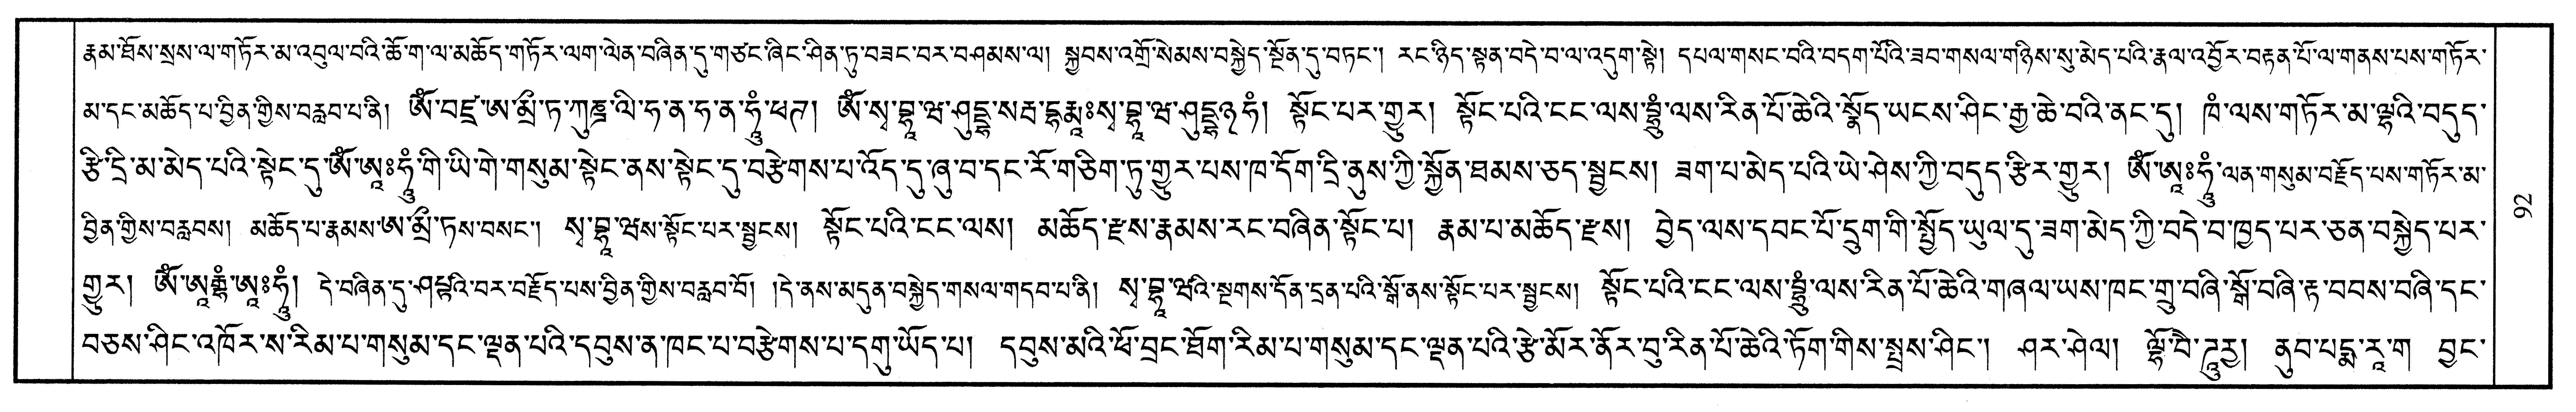རྣམ་ཐོས་སྲས་ལ་གཏོར་མ་འབུལ་བའི་ཆོ་ག་ལ་མཆོད་གཏོར་ལག་ལེན་བཞིན་དུ་གཙང་ཞིང་ཤིན་ཏུ་བཟང་བར་བཤམས་ལ། སྐྱབས་འགྲོ་སེམས་བསྐྱེད་སྔོན་དུ་བཏང་། རང་ཉིད་སྟན་བདེ་བ་ལ་འདུག་སྟེ། དཔལ་གསང་བའི་བདག་པོའི་ཟབ་གསལ་གཉིས་སུ་མེད་པའི་རྣལ་འབྱོར་བརྟན་པོ་ལ་གནས་པས་གཏོར་
མ་དང་མཆོད་པ་བྱིན་གྱིས་བརླབ་པ་ནི། ཨོཾ་བཛྲ་ཨ་མྲྀ་ཏ་ཀུཎྜ་ལི་ཧ་ན་ཧ་ན་ཧཱུཾ་ཕཊ། ཨོཾ་སྭ་བྷཱ་ཝ་ཤུདྡྷ་སརྦ་དྷརྨཱཿ སྭ་བྷཱ་ཝ་ཤུདྡྷཉཧཾ། སྟོང་པར་གྱུར། སྟོང་པའི་ངང་ལས་བྷྲུཾ་ལས་རིན་པོ་ཆེའི་སྣོད་ཡངས་ཤིང་རྒྱ་ཆེ་བའི་ནང་དུ། ཁཾ་ལས་གཏོར་མ་ལྷའི་བདུད་
རྩི་དྲི་མ་མེད་པའི་སྟེང་དུ་ཨོཾ་ཨཱཿ ཧཱུཾ་གི་ཡི་གེ་གསུམ་སྟེང་ནས་སྟེང་དུ་བརྩེགས་པ་འོད་དུ་ཞུ་བ་དང་རོ་གཅིག་ཏུ་གྱུར་པས་ཁ་དོག་དྲི་ནུས་ཀྱི་སྐྱོན་ཐམས་ཅད་སྦྱངས། ཟག་པ་མེད་པའི་ཡེ་ཤེས་ཀྱི་བདུད་རྩིར་གྱུར། ཨོཾ་ཨཱཿ ཧཱུཾ་ལན་གསུམ་བརྗོད་པས་གཏོར་མ་
བྱིན་གྱིས་བརླབས། མཆོད་པ་རྣམས་ཨ་མྲྀ་ཏས་བསང་། སྭ་བྷཱ་ཝས་སྟོང་པར་སྦྱངས། སྟོང་པའི་ངང་ལས། མཆོད་རྫས་རྣམས་རང་བཞིན་སྟོང་པ། རྣམ་པ་མཆོད་རྫས། བྱེད་ལས་དབང་པོ་དྲུག་གི་སྤྱོད་ཡུལ་དུ་ཟག་མེད་ཀྱི་བདེ་བ་ཁྱད་པར་ཅན་བསྐྱེད་པར་
གྱུར། ཨོཾ་ཨཱརྒྷཾ་ཨཱཿ ཧཱུཾ། དེ་བཞིན་དུ་ཤཔྟའི་བར་བརྗོད་པས་བྱིན་གྱིས་བརླབ་བོ། །དེ་ནས་མདུན་བསྐྱེད་གསལ་གདབ་པ་ནི། སྭ་བྷཱ་ཝའི་སྔགས་དོན་དྲན་པའི་སྒོ་ནས་སྟོང་པར་སྦྱངས། སྟོང་པའི་ངང་ལས་བྷྲུཾ་ལས་རིན་པོ་ཆེའི་གཞལ་ཡས་ཁང་གྲུ་བཞི་སྒོ་བཞི་རྟ་བབས་བཞི་དང་
བཅས་ཤིང་འཁོར་ས་རིམ་པ་གསུམ་དང་ལྡན་པའི་དབུས་ན་ཁང་པ་བརྩེགས་པ་དགུ་ཡོད་པ། དབུས་མའི་ཕོ་བྲང་ཐོག་རིམ་པ་གསུམ་དང་ལྡན་པའི་རྩེ་མོར་ནོར་བུ་རིན་པོ་ཆེའི་ཏོག་གིས་སྤྲས་ཤིང་། ཤར་ཤེལ། ལྷོ་བཻ་ཌཱུརྱ། ནུབ་པདམ་རཱ་ག་བྱང་